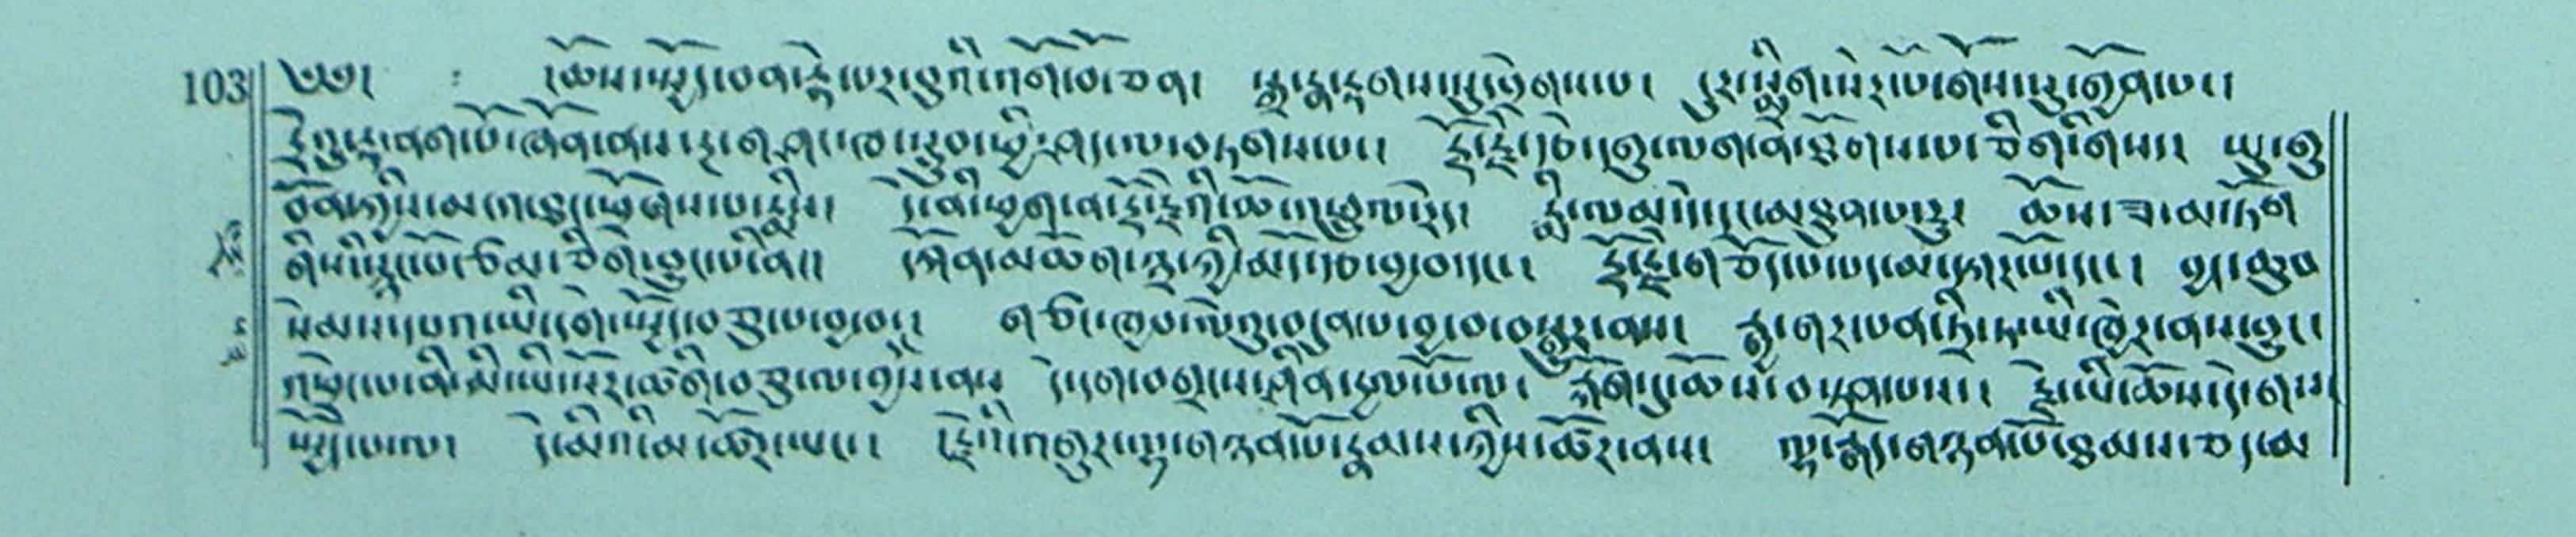༄༅། །ཆོས་སྤྱོད་བན་དྷེ་པར་བུའི་མགོ་བོ་ཅན། སྐྲ་རྣ་རྟགས་སུ་བྲེག་པ། ངུར་སྨྲིག་སེར་པོ་གོས་སུ་གྱོན་པ། 
དྲེའུ་རྟ་ནག་པོ་ཞོན་ནས་རྔ་གཤང་ཁ་སྦུབས་ཕྱི་ཤད་ལ་བཏགས་པ། རྡོ་རྗེ་རྩེ་དགུ་ལག་ན་ཐོགས་པ་ཅིག་གིས། ཡུ་གུ་
བོན་གྱི་མངའ་ཐང་ཕྲོགས་པ་རྨིས། དེ་ནི་ཕྱག་ན་རྡོ་རྗེའི་ཆོ་འཕྲུལ་རེད། རྨི་ལམ་དེ་དང་མཐུན་པ་རུ། ཆོས་ཟ་མ་ཏོག་
གི་སྙིང་པོ་ཙམ་ཅིག་བྱུང་པ་ནི། དཀོན་མཆོག་གསུམ་གྱི་མདོ་རྩ་བྱ་བ་དང་། རྡོ་རྗེ་གཅོད་པ་པད་མ་དཀར་པོ་དང་། བྱང་ཆུབ་
སེམས་དཔའ་ཡི་དགེ་སྦྱོང་བཅུ་པ་བྱ་བ་དང་། གཙང་ཁྱབ་ལེའུ་བདུན་པ་བྱ་བ་བསྒྱུར་ནས། རྒྱ་གར་པན་ཏྲི་ཏ་ཡིས་ཁྱེར་ནས་བྱུང་། 
འཕྲེང་བ་ནི་མི་ཡི་སོར་ཚིགས་བཅུ་ལ་བྱས་ནས། དེ་དག་བགྲངས་ཤིན་རྒྱལ་བོ་ལ། ལྐོག་ཏུ་ཆོས་བསྟན་པས། རྗེ་ཡིས་ཆོས་དེ་གསང་
སྤྱོད་པ་ལ། དེ་མིའི་མ་ཚོར་ཡང་། རྗེའི་མགུར་ལྷ་གཉན་པོ་རྣམས་ཀྱིས་ཚོར་ནས། ལྷ་རྒོད་གཉན་པོ་ཐམས་ཅད་མ་